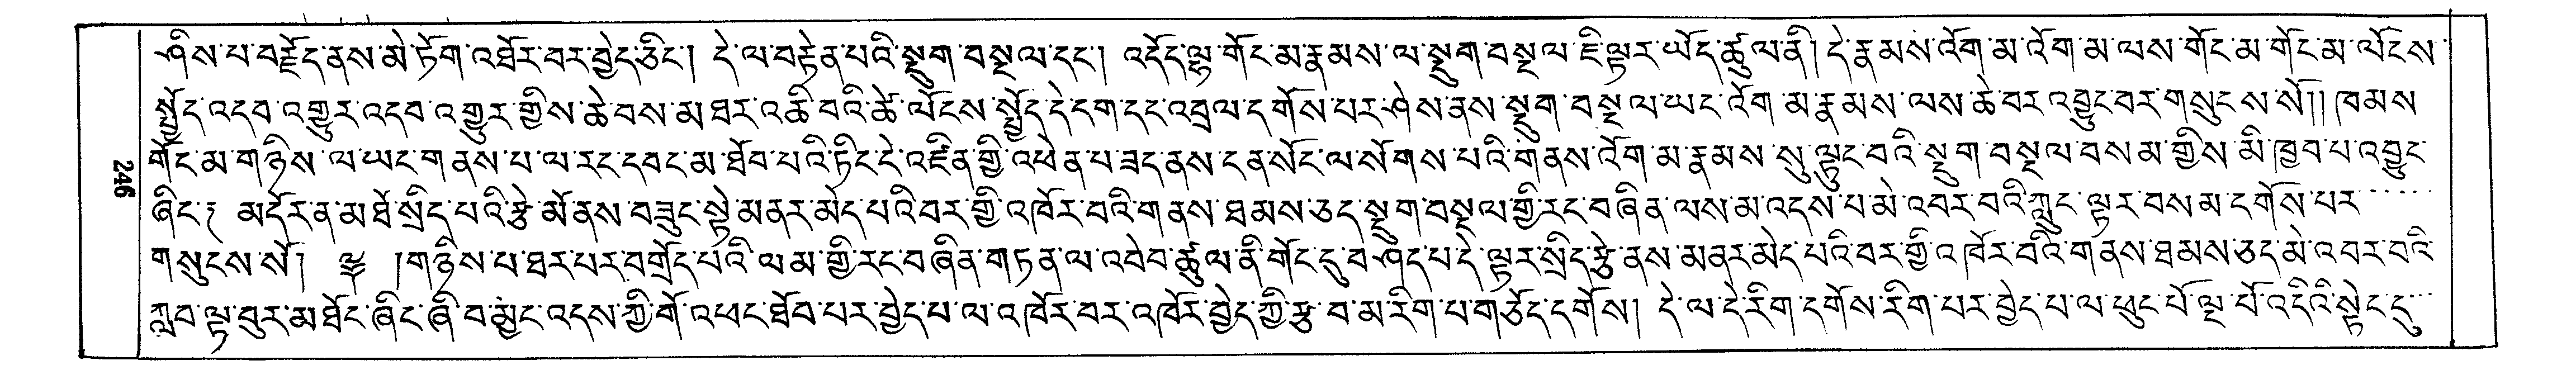ཤིས་པ་བརྗོད་ནས་མེ་ཏོག་འཐོར་བར་བྱེད་ཅིང་། དེ་ལ་བརྟེན་པའི་སྡུག་བསྔལ་དང་། འདོད་ལྷ་གོང་མ་རྣམས་ལ་སྡུག་བསྔལ་ཇི་ལྟར་ཡོད་ཚུལ་ནི། དེ་རྣམས་འོག་མ་འོག་མ་ལས་གོང་མ་གོང་མ་ལོངས་
སྤྱོད་འདབ་འགྱུར་འདབ་འགྱུར་གྱིས་ཆེ་བས་མཐར་འཆི་བའི་ཚེ་ལོངས་སྤྱོད་དེ་དག་དང་འབྲལ་དགོས་པར་ཤེས་ནས་སྡུག་བསྔལ་ཡང་འོག་མ་རྣམས་ལས་ཆེ་བར་འབྱུང་བར་གསུངས་སོ། །ཁམས་
གོང་མ་གཉིས་ལ་ཡང་གནས་པ་ལ་རང་དབང་མ་ཐོབ་པའི་ཏིང་ངེ་འཛིན་གྱི་འཕེན་པ་ཟད་ནས་ངན་སོང་ལ་སོགས་པའི་གནས་འོག་མ་རྣམས་སུ་ལྟུང་བའི་སྡུག་བསྔལ་བསམ་གྱིས་མི་ཁྱབ་པ་འབྱུང་
ཞིང༑ མདོར་ན་མཐོ་སྲིད་པའི་རྩེ་མོ་ནས་བཟུང་སྟེ་མནར་མེད་པའི་བར་གྱི་འཁོར་བའི་གནས་ཐམས་ཅད་སྡུག་བསྔལ་ཀྱི་རང་བཞིན་ལས་མ་འདས་པ་མེ་འབར་བའི་ཀླུབ་ལྟར་བསམ་དགོས་པར་
གསུངས་སོ། ༈ །གཉིས་པ་ཐར་པར་བགྲོད་པའི་ལམ་གྱི་རང་བཞིན་གཏན་ལ་འབེབ་ཚུལ་ནི་གོང་དུ་བཤད་པ་དེ་ལྟར་སྲིད་རྩེ་ནས་མནར་མེད་པའི་བར་གྱི་འཁོར་བའི་གནས་ཐམས་ཅད་མེ་འབར་བའི་
ཀླུབ་ལྟ་བུར་མཐོང་ཞིང་ཞི་བ་མྱང་འདས་ཀྱི་གོ་འཕང་ཐོབ་པར་བྱེད་པ་ལ་འཁོར་བར་འཁོར་བྱེད་ཀྱི་རྩ་བ་མ་རིག་པ་གཅོད་དགོས། དེ་ལ་དེ་རིག་དགོས་རིག་པར་བྱེད་པ་ལ་ཕུང་པོ་ལྔ་པོ་འདིའི་སྟེང་དུ་